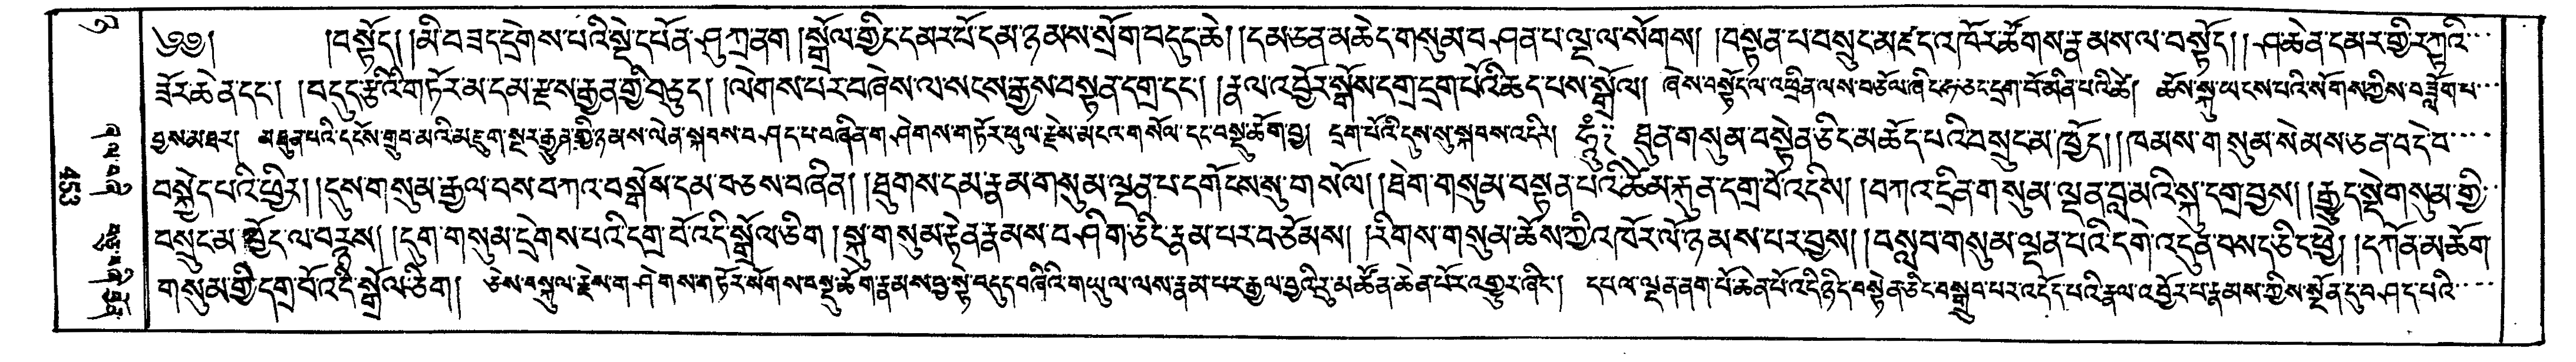༄༅། །བསྟོད། །མི་བཟད་དྲེགས་པའི་སྡེ་དཔོན་ཤུ་ཀྲ་ནག །སྒྲོལ་གྱིང་དམར་པོ་དམ་ཉམས་སྲོག་བདུད་ཆེ། །དམ་ཅན་མཆེད་གསུམ་བཤན་པ་ལྔ་ལ་སོགས། །བསྟན་པ་བསྲུང་མཛད་འཁོར་ཚོགས་རྣམས་ལ་བསྟོད། །ཤ་ཆེན་དམར་གྱི་རཀྟཱི་
ཟོར་ཆེན་དང་། །བདུད་རྩིའི་གཏོར་མ་དམ་རྫས་རྒྱན་གྱི་བཅུད། །ལེགས་པར་བཞེས་ལ་སངས་རྒྱས་བསྟན་དགྲ་དང་། །རྣལ་འབྱོར་སོགས་དགྲ་དྲག་པོའི་ཆད་པས་སྒྲོལ། །ཞེས་བསྟོད་ལ་འཕྲིན་ལས་བཅོལ་ཞིང་ཧ་ཆང་དྲག་པོ་མིན་པའི་ཚེ། །ཆོས་སྐུ་ཡངས་པའི་སོགས་ཀྱིས་བཟློག་པ་
བྱས་མཐར། མཐུན་པའི་དངོས་གྲུབ་མའི་མཇུག་སྔར་རྒྱུན་གྱི་ཉམས་ལེན་སྐབས་བཤད་པ་བཞིན་གཤེགས་གཏོར་ཕུལ་རྗེས་མངའ་གསོལ་དང་བསྡུ་ཆོག་བྱ། །དྲག་པོའི་དུས་སུ་སྐབས་འདིར། །ཧཱུཾ༑ ཐུན་གསུམ་བསྟེན་ཅིང་མཆོད་པའི་བསྲུང་མཁྱོད། །ཁམས་གསུམ་སེམས་ཅན་བདེ་བ་
བསྐྱེད་པའི་ཕྱིར། །དུས་གསུམ་རྒྱལ་བས་བཀའ་བསྒོས་དམ་བཅས་བཞིན། །ཐུགས་དམ་རྣམ་གསུམ་ལྡན་བ་དགོངས་སུ་གསོལ། །ཐེག་གསུམ་བསྟན་པའི་ཚེམ་རྐུན་དགྲ་བོ་འདིས། །བཀའ་དྲིན་གསུམ་ལྡན་བླ་མའི་སྐུ་དགྲ་བྱས། །རྒྱུད་སྡེ་གསུམ་གྱི་
བསྲུང་མཁྱོད་ལ་བརྙས། །དུག་གསུམ་དྲེགས་པའི་དགྲ་བོའི་འདི་སྒྲོལ་ཅིག །སྐུ་གསུམ་རྟེན་རྣམས་བཤིག་ཅིང་རྣམ་པར་བཅོམས། །རིགས་གསུམ་ཆོས་ཀྱི་འཁོར་ལོ་ཉམས་པར་བྱས། །བསླབ་གསུམ་ལྡན་པའི་དགེ་འདུན་བསད་ཅིང་ཕྱེ། །དཀོན་མཆོག་
གསུམ་གྱི་དགྲ་བོ་འདི་སྒྲོལ་ལ་ཅིག། ཅེས་བསྐུལ་རྗེས་གཤེགས་གཏོར་སོགས་བསྡུ་ཆོག་རྣམས་བྱ་སྟེ་བདུད་བཞིའི་གཡུལ་ལས་རྣམ་པར་རྒྱལ་བའི་རུ་མཚོན་ཆེན་པོར་འགྱུར་ཞིང་། དཔལ་ལྡན་ནག་པོ་ཆེན་པོ་འདི་ཉིད་བསྟེན་ཅིང་བསྒྲུབ་པར་འདོད་པའི་རྣལ་འབྱོར་བ་རྣམས་ཀྱིས་སྔོན་དུ་བཤད་པའི་